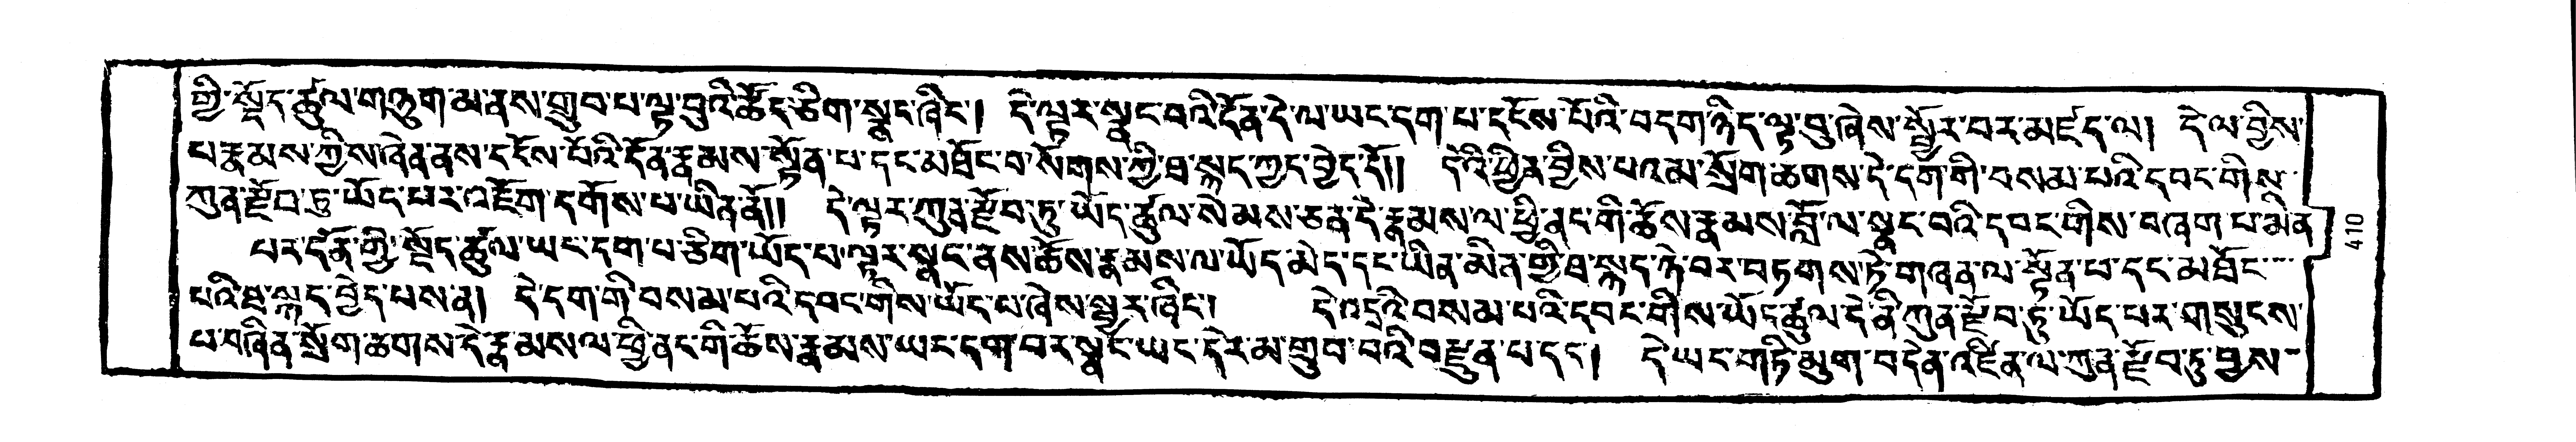གྱི་སྡོད་ཚུལ་གཉུག་མ་ནས་གྲུབ་པ་ལྟ་བུའི་ཚོད་ཅིག་སྣང་ཞིང་། དེ་ལྟར་སྣང་བའི་དོན་དེ་ལ་ཡང་དག་པ་དངོས་པོའི་བདག་ཉིད་ལྟ་བུ་ཞེས་སྦྱོར་བར་མཛད་ལ། དེ་ལ་བྱིས་
པ་རྣམས་ཀྱིས་ཞེན་ནས་དངོས་པོའི་དོན་རྣམས་སྟོན་པ་དང་མཐོང་བ་སོགས་ཀྱི་ཐ་སྙད་ཀྱང་བྱེད་དོ། །དེའི་ཕྱིན་བྱིས་པའམ་སྲོག་ཆགས་དེ་དག་གི་བསམ་པའི་དབང་གིས་
ཀུན་རྫོབ་ཏུ་ཡོད་པར་འཇོག་དགོས་པ་ཡིན་ནོ། །དེ་ལྟར་ཀུན་རྫོབ་ཏུ་ཡོད་ཚུལ་སེམས་ཅན་དེ་རྣམས་ལ་ཕྱི་ནང་གི་ཆོས་རྣམས་བློ་ལ་སྣང་བའི་དབང་གིས་བཞག་པ་མིན་
པར་དོན་གྱི་སྡོད་ཚུལ་ཡང་དག་པ་ཅིག་ཡོད་པ་ལྟར་སྣང་ནས་ཆོས་རྣམས་ལ་ཡོད་མེད་དང་ཡིན་མིན་གྱི་ཐ་སྙད་ཉེ་བར་བཏགས་ཏེ་གཞན་ལ་སྟོན་པ་དང་མཐོང་
པའི་ཐ་སྙད་བྱེད་པས་ན། དེ་དག་གི་བསམ་པའི་དབང་གིས་ཡོད་པ་ཞེས་སྦྱར་ཞིང་། དེ་འདྲའི་བསམ་པའི་དབང་གིས་ཡོད་ཚུལ་དེ་ནི་ཀུན་རྫོབ་ཏུ་ཡོད་པར་གསུངས་
པ་བཞིན་སྲོག་ཆགས་དེ་རྣམས་ལ་ཕྱི་ནང་གི་ཆོས་རྣམས་ཡང་དག་པར་སྣང་ཡང་དེར་མ་གྲུབ་པའི་བརྫུན་པ་དང་། དེ་ཡང་གཏི་མུག་བདེན་འཛིན་ལ་ཀུན་རྫོབ་ཏུ་བྱས་